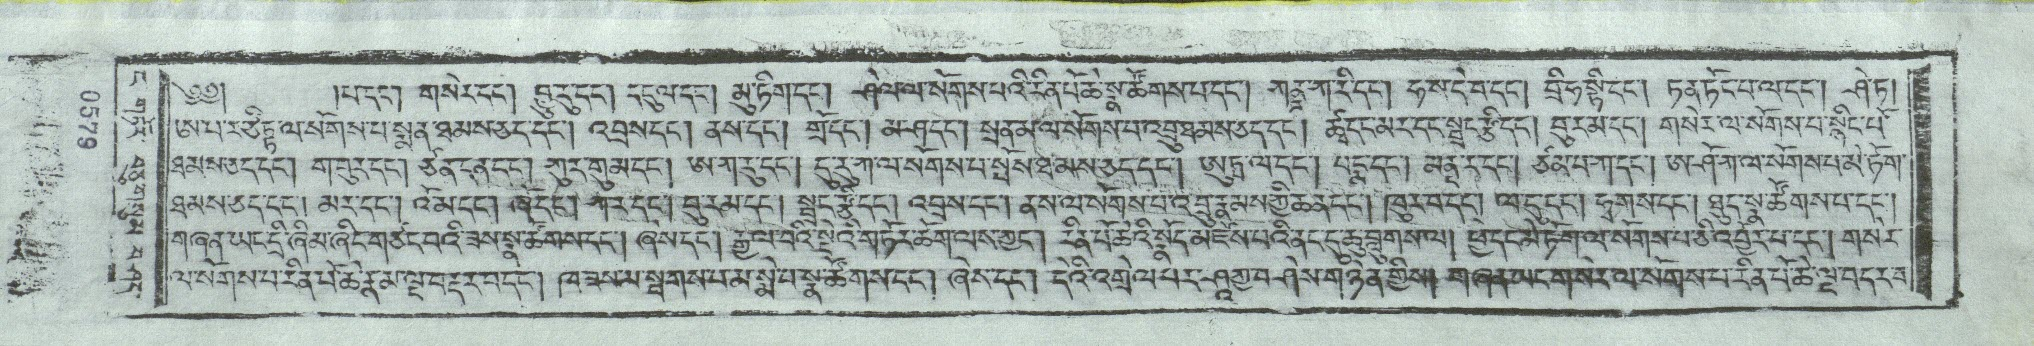༄༅། །པ་དང་། གསེར་དང་། བྱུ་རུ་དང་། དངུལ་དང་། མུ་ཏིག་དང་། ཤེལ་ལ་སོགས་པའི་རིན་པོ་ཆེ་སྣ་ཚོགས་པ་དང་། ཀནྜ་ཀ་རི་དང་། ཧ་ས་དེ་བ་དང་། བྲི་ཧ་སྟི་དང་། ཏན་ཏོང་པ་ལ་དང་། ཤེ་ཏ།
ཨ་པ་ར་ཙིཏྟ་ལ་སོགས་པ་སྨན་ཐམས་ཅད་དང་། འབྲས་དང་། ནས་དང་། གྲོ་དང་། མ་ཤ་དང་། སྲན་མ་ལ་སོགས་པ་འབྲུ་ཐམས་ཅད་དང་། ཚྭ་དང་མར་དང་སྦྲང་རྩི་དང་། བུ་རམ་དང་། གསེར་ལ་སོགས་པ་སྙིང་པོ་
ཐམས་ཅད་དང་། ག་བུར་དང་། ཙན་ངན་དང་། ཀུར་གུམ་དང་། ཨ་ཀ་རུ་དང་། དུ་རུ་ཀ་ལ་སོགས་པ་སྤོས་ཐམས་ཅད་དང་། ཨུཏྲ་ལ་དང་། པདམ་དང་། མནྜ་ར་དང་། ཙམ་པ་ཀ་དང་། ཨ་ཤོ་ཀ་ལ་སོགས་པ་མེ་ཏོག་
ཐམས་ཅད་དང་། མར་དང་། འོ་མ་དང་། ཞོ་དང་། ཀ་ར་དང་། བུ་རམ་དང་། སྦྲང་རྩི་དང་། འབྲས་དང་། ནས་ལ་སོགས་པ་འབྲུ་རྣམས་ཀྱི་ཆན་དང་། ཁུར་བ་དང་། ལ་དུ་དང་། ཧྭགས་དང་། ཐུད་སྣ་ཚོགས་པ་དང་།
གཞན་ཡང་དྲི་ཞིམ་ཞིང་གཙང་བའི་ཟས་སྣ་ཚོགས་དང་། ཞེས་དང་། རྒྱལ་བའི་སྡེའི་གཏོར་ཆོག་ལས་ཀྱང་། རིན་པོ་ཆེའི་སྣོད་མཛེས་པའི་ནང་དུ་ཆུ་བླུགས་ལ། ཕྱེ་དང་མེ་ཏོག་ལ་སོགས་པ་ཅི་འབྱོར་པ་དང་། གསེར་
ལ་སོགས་པ་རིན་པོ་ཆེ་རྣམ་ལྔ་བརྡར་བ་དང་། ཁ་ཟས་མ་སྦགས་པ་མ་སྨེ་བ་སྣ་ཚོགས་དང་། ཞེས་དང་། དེའི་འགྲེལ་པར་ཤཱཀྱ་བཤེས་གཉེན་གྱིས། གཞན་ཡང་གསེར་ལ་སོགས་པ་རིན་པོ་ཆེ་ལྔ་བདར་བ་